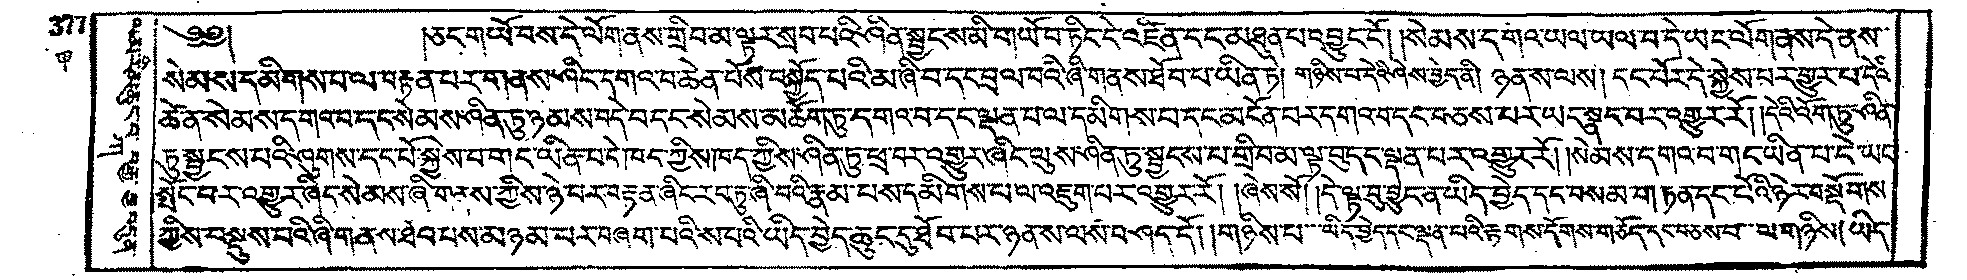༄༅། །ཅང་གཡོ་བས་དེ་ལོག་ནས་གྲིབ་མ་ལྟར་སྲབ་པའི་ཤིན་སྦྱངས་མི་གཡོ་བ་ཏིང་ངེ་འཛིན་ནང་མཐུན་པ་འབྱུང་ངོ། །སེམས་དགའ་ཡལ་ཡལ་བ་དེ་ཡང་ལོག་ནས་དེ་ནས་
སེམས་དམིགས་པ་ལ་བརྟེན་པར་གནས་ཤིང་དགའ་བ་ཆེན་པོས་བསྐྱོད་པའི་མ་ཞི་བ་དང་བྲལ་བའི་ཞི་གནས་ཐོབ་པ་ཡིན་ཏེ། གཉིས་པ་དེའི་ཤེས་བྱེད་ནི།  ཉན་ས་ལས། དང་པོར་དེ་སྐྱེས་པར་འགྱུར་པ་དེའི་
ཚེ་ན་སེམས་དགའ་བ་དང་སེམས་ཤིན་ཏུ་ཉམས་བདེ་བ་དང་སེམས་མཆོག་ཏུ་དགའ་བ་དང་ལྡན་པ་ལ་དམིགས་པ་དང་མངོན་པར་དགའ་བ་དང་བཅས་པར་ཡང་སྣང་བར་འགྱུར་རོ། །དེའི་འོག་ཏུ་ཤིན་
ཏུ་སྦྱངས་པའི་ཤུགས་དང་པོ་སྐྱེས་པ་གང་ཡིན་པ་དེ་ཁད་ཀྱིས་ཁད་ཀྱིས་ཤིན་ཏུ་ཕྲ་བར་འགྱུར་ཞིང་ལུས་ཤིན་ཏུ་སྦྱངས་པ་གྲིབ་མ་ལྟ་བུ་དང་ལྡན་པར་འགྱུར་རོ། །སེམས་དགའ་བ་གང་ཡིན་པ་དེ་ཡང་
སྤོང་བར་འགྱུར་ཞིང་སེམས་ཞི་གནས་ཀྱིས་ཉེ་བར་བརྟན་ཞིང་རབ་ཏུ་ཞི་བའི་རྣམ་པས་དམིགས་པ་ལ་འཇུག་པར་འགྱུར་རོ། །ཞེས་སོ། །དེ་ལྟ་བུ་བྱུང་ན་ཡིད་བྱེད་དང་བསམ་གཏན་དང་པོའི་ཉེར་བསྡོགས་
ཀྱིས་བསྡུས་པའི་ཞི་གནས་ཐོབ་པས་མཉམ་པར་བཞག་པའི་ས་པའི་ཡིད་བྱེད་ཆུང་དུ་ཐོབ་པར་ཉན་ས་ལས་བཤད་དོ། །གཉིས་པཡིད་བྱེད་དང་དན་པའི་རྟགས་དོགས་གཅོད་དང་བཅས་པལ་གཉིས། ཡིད་